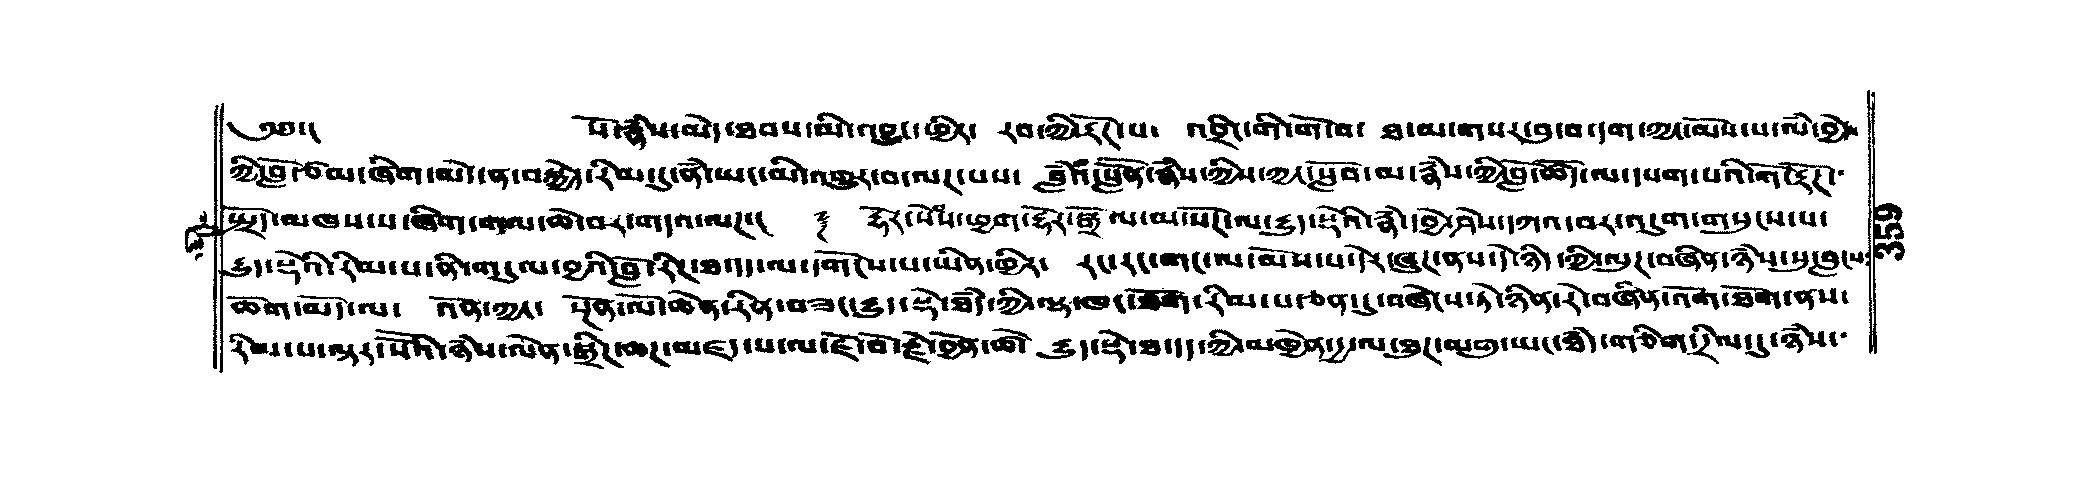སོ་རྣམས་མེད་ཐབས་མི་འབྱུང་ཕྱིར། རབ་ཀྱི་རྟོགས་པ། འབྲིང་གི་གོ་བ། ཐ་མ་གསར་བུ་བ་དག་ཀྱང་མོས་པ་ལམ་བྱེད་
ཀྱི་བློ་ཙམ་ཞིག་མེད་ན་བསྐྱེད་རིམ་དུ་ནམ་ཡང་མི་འགྱུར་བ་ལགས་པས། བླ་མའམ་སློབ་དཔོན་རྣམས་ཀྱིས་ཀྱང་སློབ་མ་རྣམས་ཀྱི་བློ་ཚོད་ལ་དཔགས་པའི་གོ་རྟོགས་
སྤྲོད་མཁས་པ་ཞིག་གལ་ཆེ་བར་གདའ་ལགས། ༈ རྡོར་སེམས་ཕྱག་རྡོར་སྒྲོལ་མ་སོགས་ལ་རྒྱུད་སྡེའི་རྣམ་དབྱེ་ཤེས་དཀའ་བར་འདུག་གསུངས་པ་
རྒྱུད་སྡེའི་རིམ་པ་ནི་གདུལ་བྱའི་བློ་རིགས་ཐ་དད་ལ་དགོངས་པ་ཡིན་ཕྱིར། རང་རང་གང་ལ་མོས་པ་དེར་ཞུགས་ནས་དེ་ཉིད་ཀྱི་ལུགས་བཞིན་ཉམས་སུ་བླངས་
ཆོག་མོད་ལ། འོན་ཀྱང་། སྔོན་ལོ་ཆེན་རིན་བཟང་རྒྱུད་སྡེ་ཐམས་ཅད་ཀྱི་ལྷ་ཁང་ཐོག་རིམ་པ་ཅན་དུ་བཞེངས་ཏེ་ཉིན་རེ་བཞིན་འོག་ཐོག་ནས་
རིམ་པ་ལྟར་སོ་སོའི་ཉམས་ལེན་སྒྲིགས་ཆགས་མཛད་པ་ལ་ཇོ་བོ་རྗེ་བྱོན་ཚེ། རྒྱུད་སྡེ་ཐ་དད་ཀྱི་མཁྱེན་རྒྱ་ལ་ཐུགས་མགུ་ཡང་ཐམས་ཅད་གཅིག་དྲིལ་དུ་ཉམས་